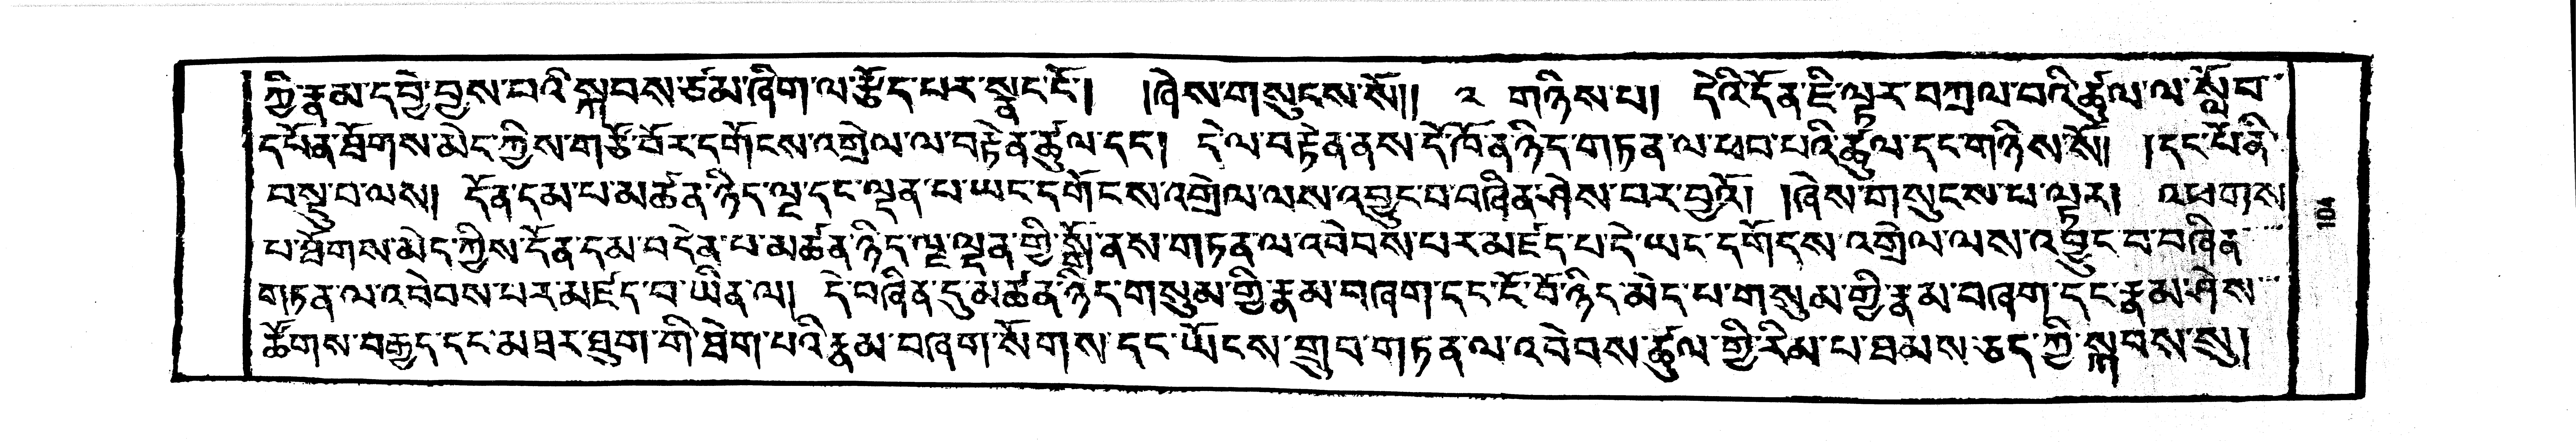ཀྱི་རྣམ་དབྱེ་བྱས་པའི་སྐབས་ཙམ་ཞིག་ལ་རྩོད་པར་སྣང་ངོ། །ཞེས་གསུངས་སོ། །གཉིས་པ། དེའི་དོན་ཇི་ལྟར་བཀྲལ་བའི་ཚུལ་ལ་སློབ་
དཔོན་ཐོགས་མེད་ཀྱིས་གཙོ་བོར་དགོངས་འགྲེལ་ལ་བརྟེན་ཚུལ་དང་། དེ་ལ་བརྟེན་ནས་དོ་ཁོ་ན་ཉིད་གཏན་ལ་ཕབ་པའི་ཚུལ་དང་གཉིས་སོ། །དང་པོ་ནི་
བསྡུ་པ་ལས། དོན་དམ་པ་མཚན་ཉིད་ལྔ་དང་ལྡན་པ་ཡང་དགོངས་འགྲེལ་ལས་འབྱུང་བ་བཞིན་ཤེས་པར་བྱའོ། །ཞེས་གསུངས་པ་ལྟར། འཕགས་
པ་ཐོགས་མེད་ཀྱིས་དོན་དམ་བདེན་པ་མཚན་ཉིད་ལྔ་ལྡན་གྱི་སྒོ་ནས་གཏན་ལ་འབེབས་པར་མཛད་པ་དེ་ཡང་དགོངས་འགྲེལ་ལས་འབྱུང་བ་བཞིན་
གཏན་ལ་འབེབས་པར་མཛད་པ་ཡིན་ལ། དེ་བཞིན་དུ་མཚན་ཉིད་གསུམ་གྱི་རྣམ་བཞག་དང་ངོ་བོ་ཉིད་མེད་པ་གསུམ་གྱི་རྣམ་བཞག་དང་རྣམ་ཤེས་
ཚོགས་བརྒྱད་དང་མཐར་ཐུག་གི་ཐེག་པའི་རྣམ་བཞག་སོགས་དང་ཡོངས་གྲུབ་གཏན་ལ་འབེབས་ཚུལ་གྱི་རིམ་པ་ཐམས་ཅད་ཀྱི་སྐབས་སུ།